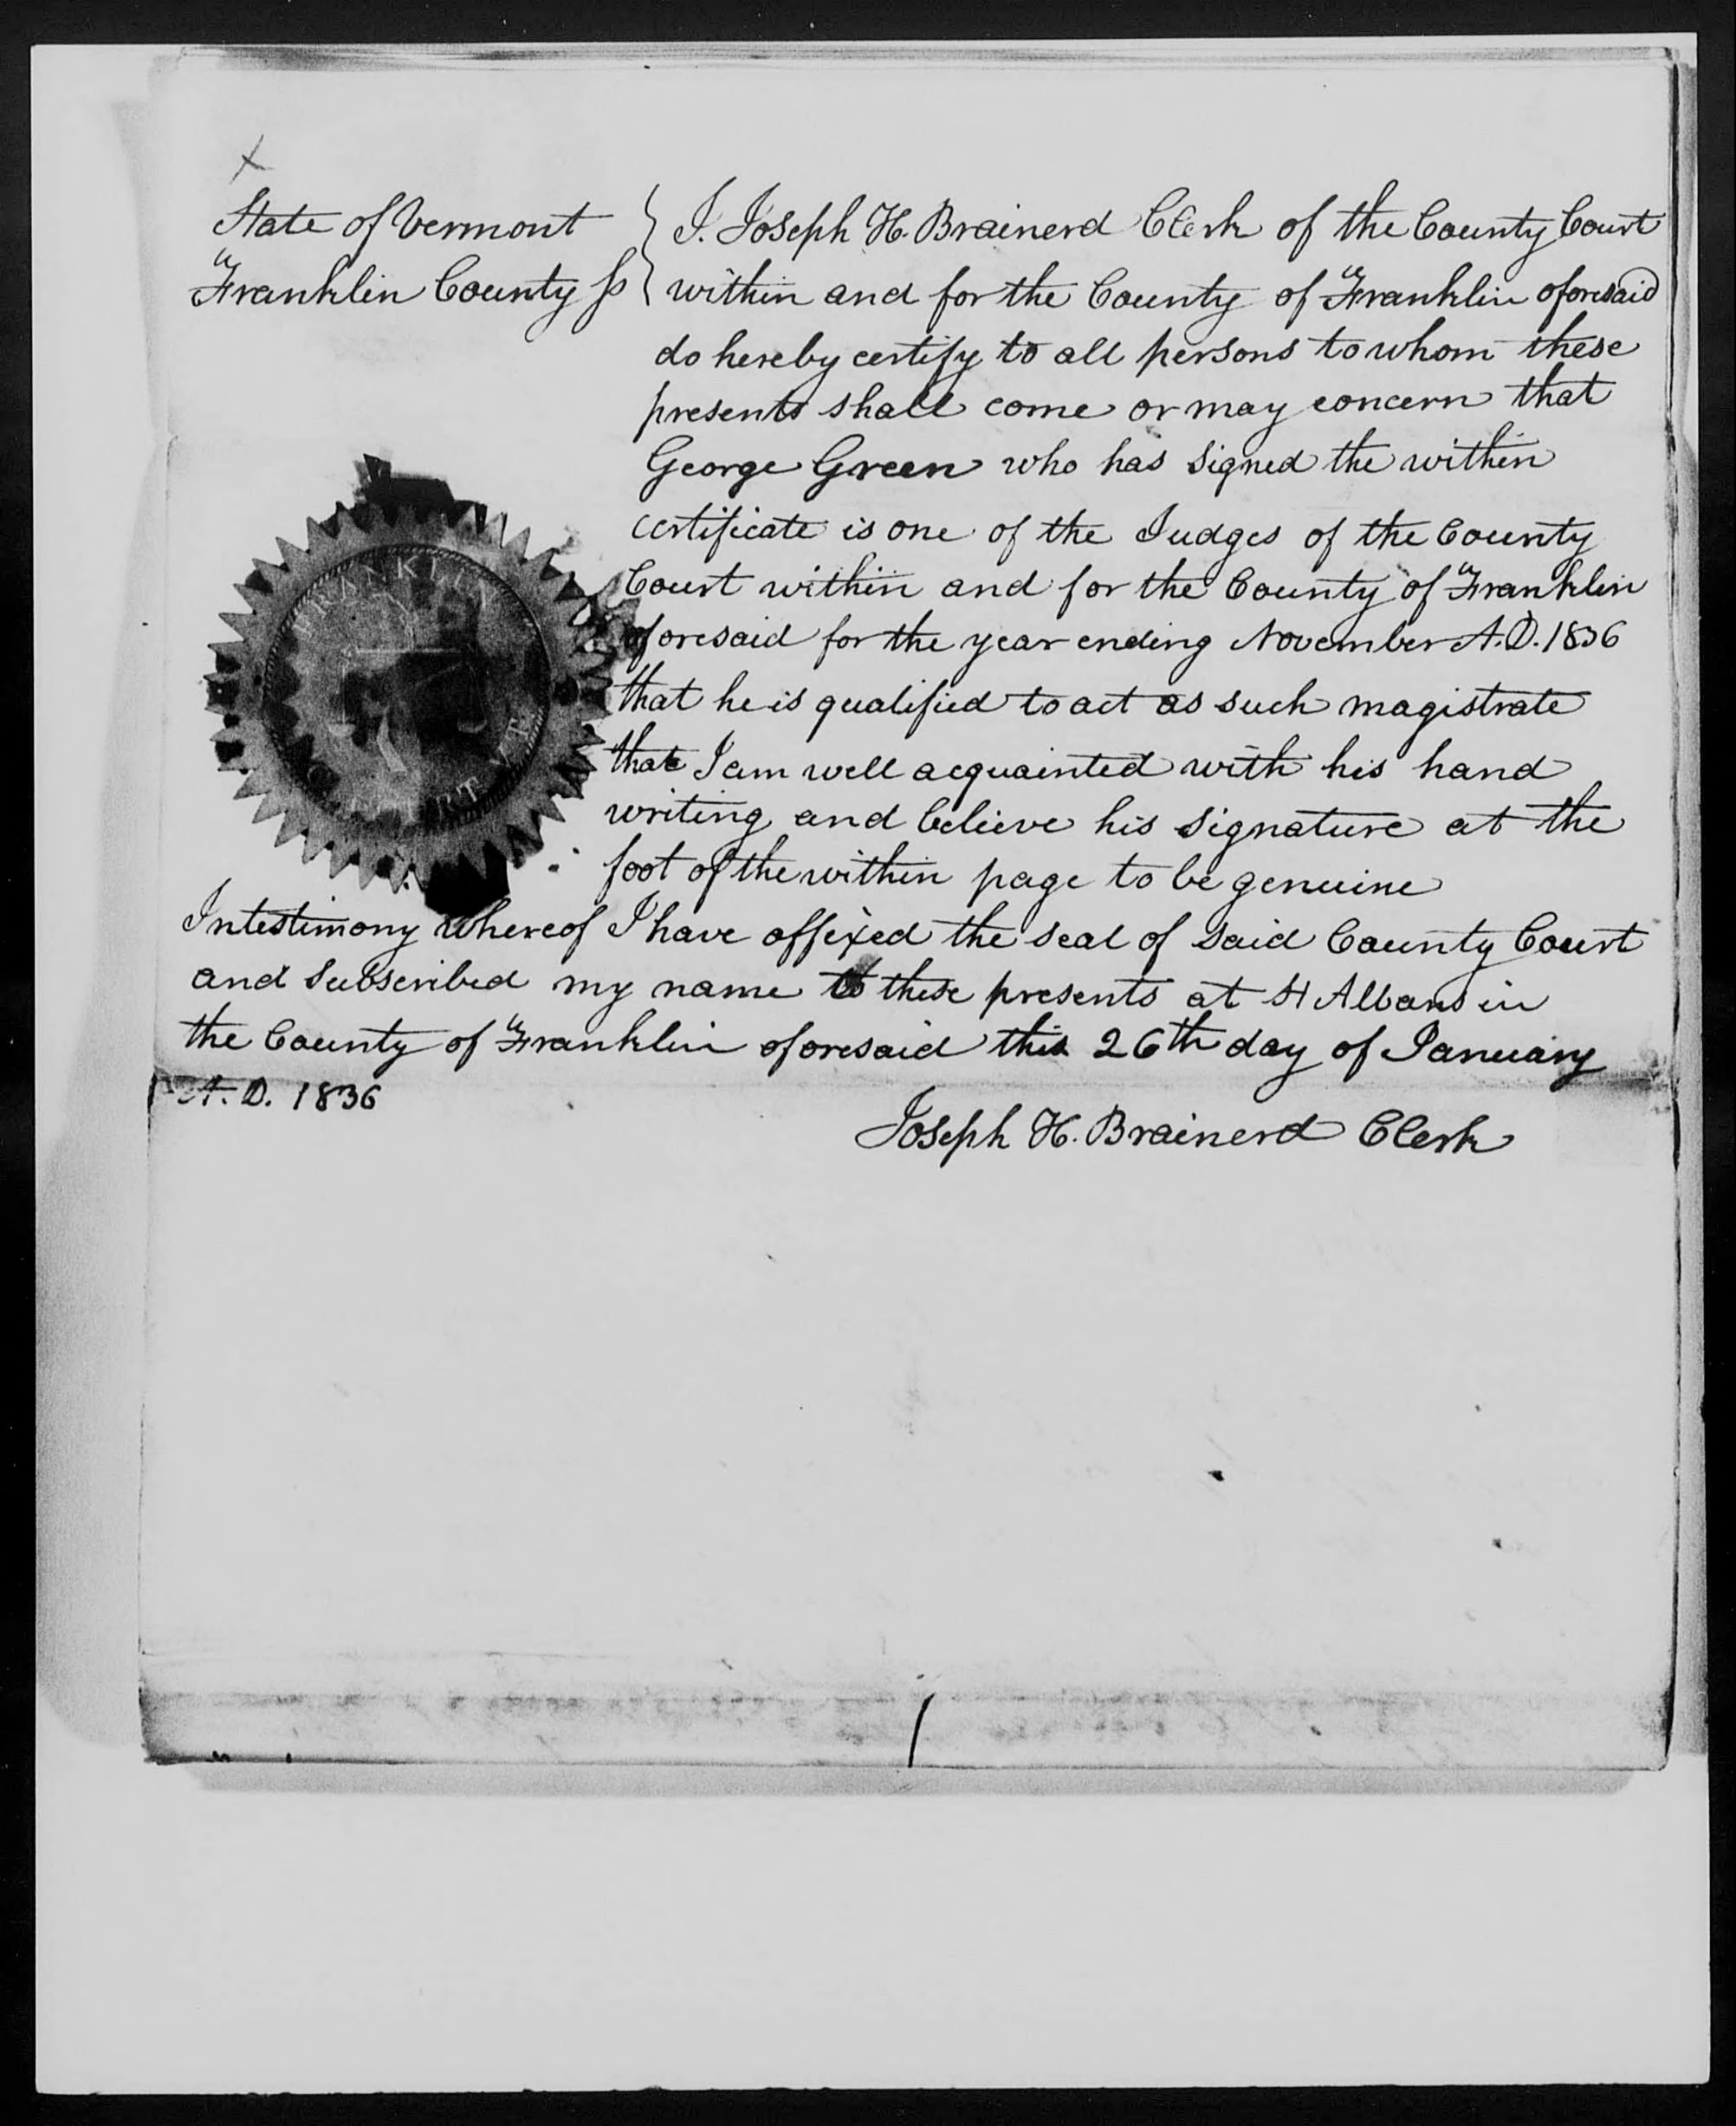State of Vermont    }I, Joseph H. Brainerd
Franklin County JP  } Clerk of the County
Court within and for the County of Franklin aforesaid do hereby certify to all persons to whom these presents shall come or may concern that George Green who has signed the within certificate is one of the Judges of the County Court within and for the County of Franklin aforesaid for the year ending November A. D. 1836 that he is qualified to act as such magistrate that I am well acquainted with his hand writing and believe his signature at the foot of the within page to be genuine whereof I have affixed the seal of said county court and subscribed my name to these presents at St Albans in the County of Franklin aforesaid this 26th day of January A. D. 1836

Joseph H. Brainerd Clerk

[seal affixed]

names: George Green, Joseph H Brainerd, Joseph H Brainerd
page: 27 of 100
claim: survivor's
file: S 19186, James Austin, Conn. New York R.I.